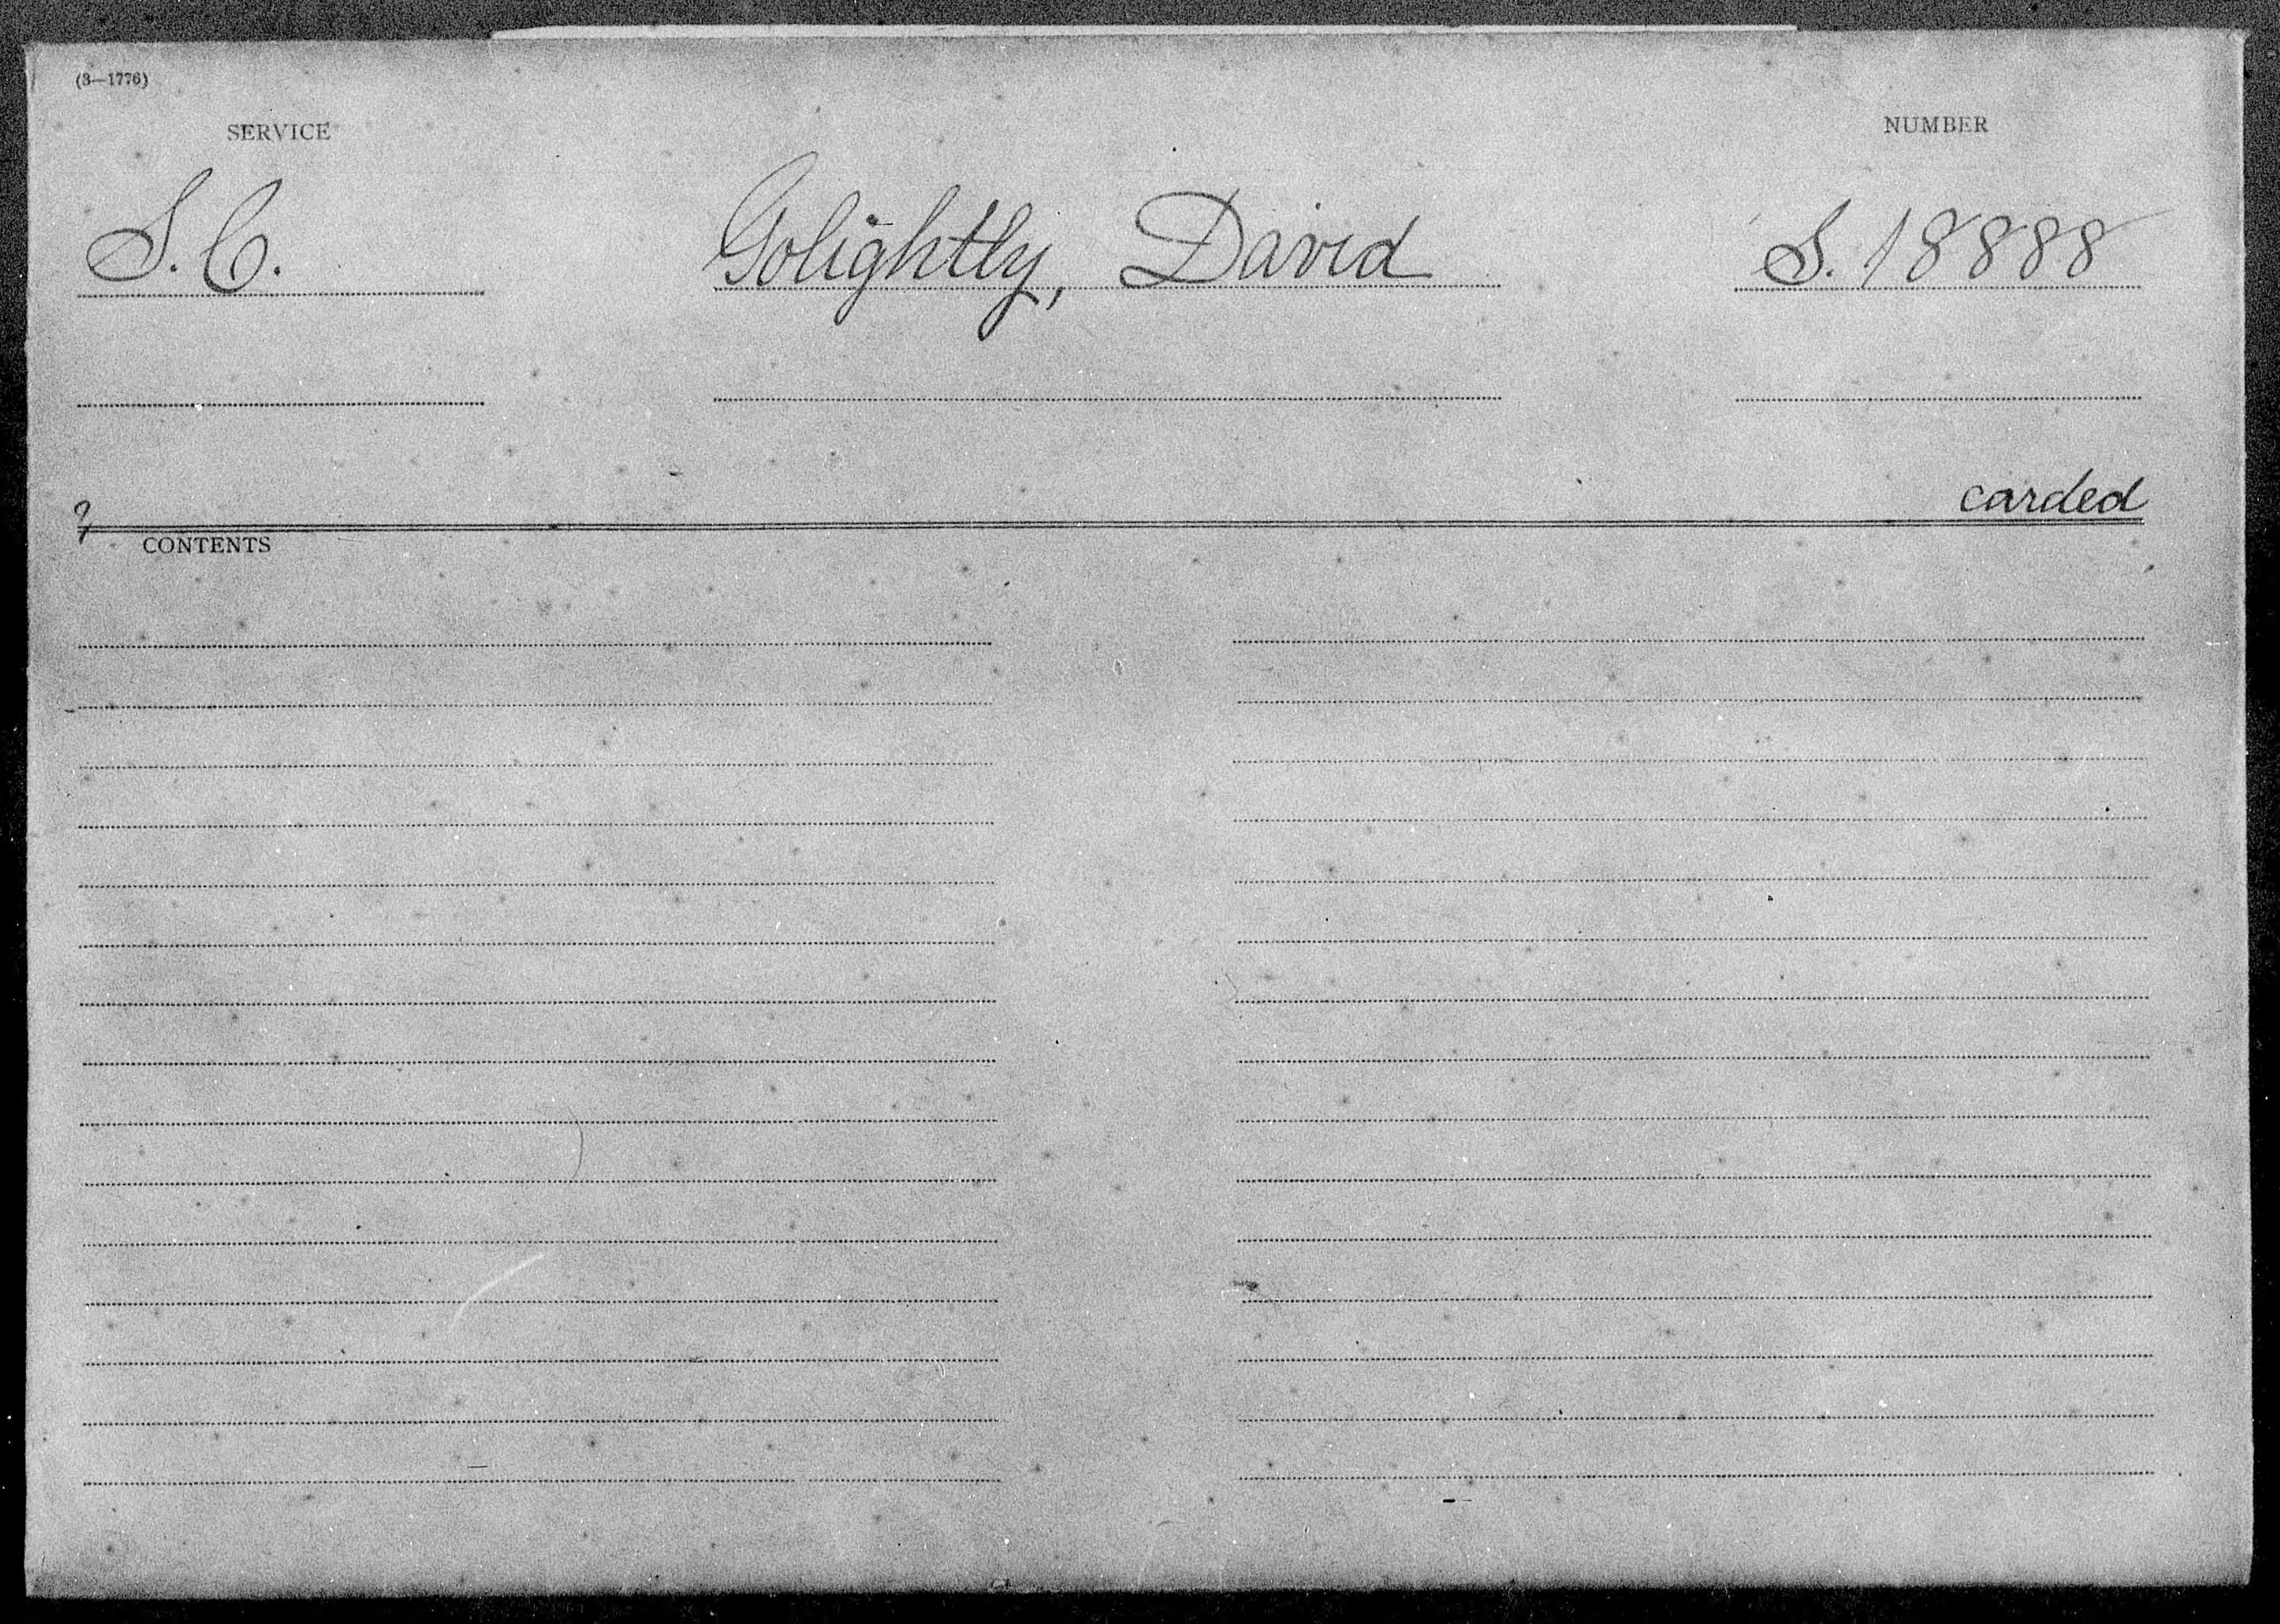Service S.C Golightly, David Number S.18888 carded contents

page: 1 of 57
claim: survivor's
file: S. 18888, David Golightly, S.C.